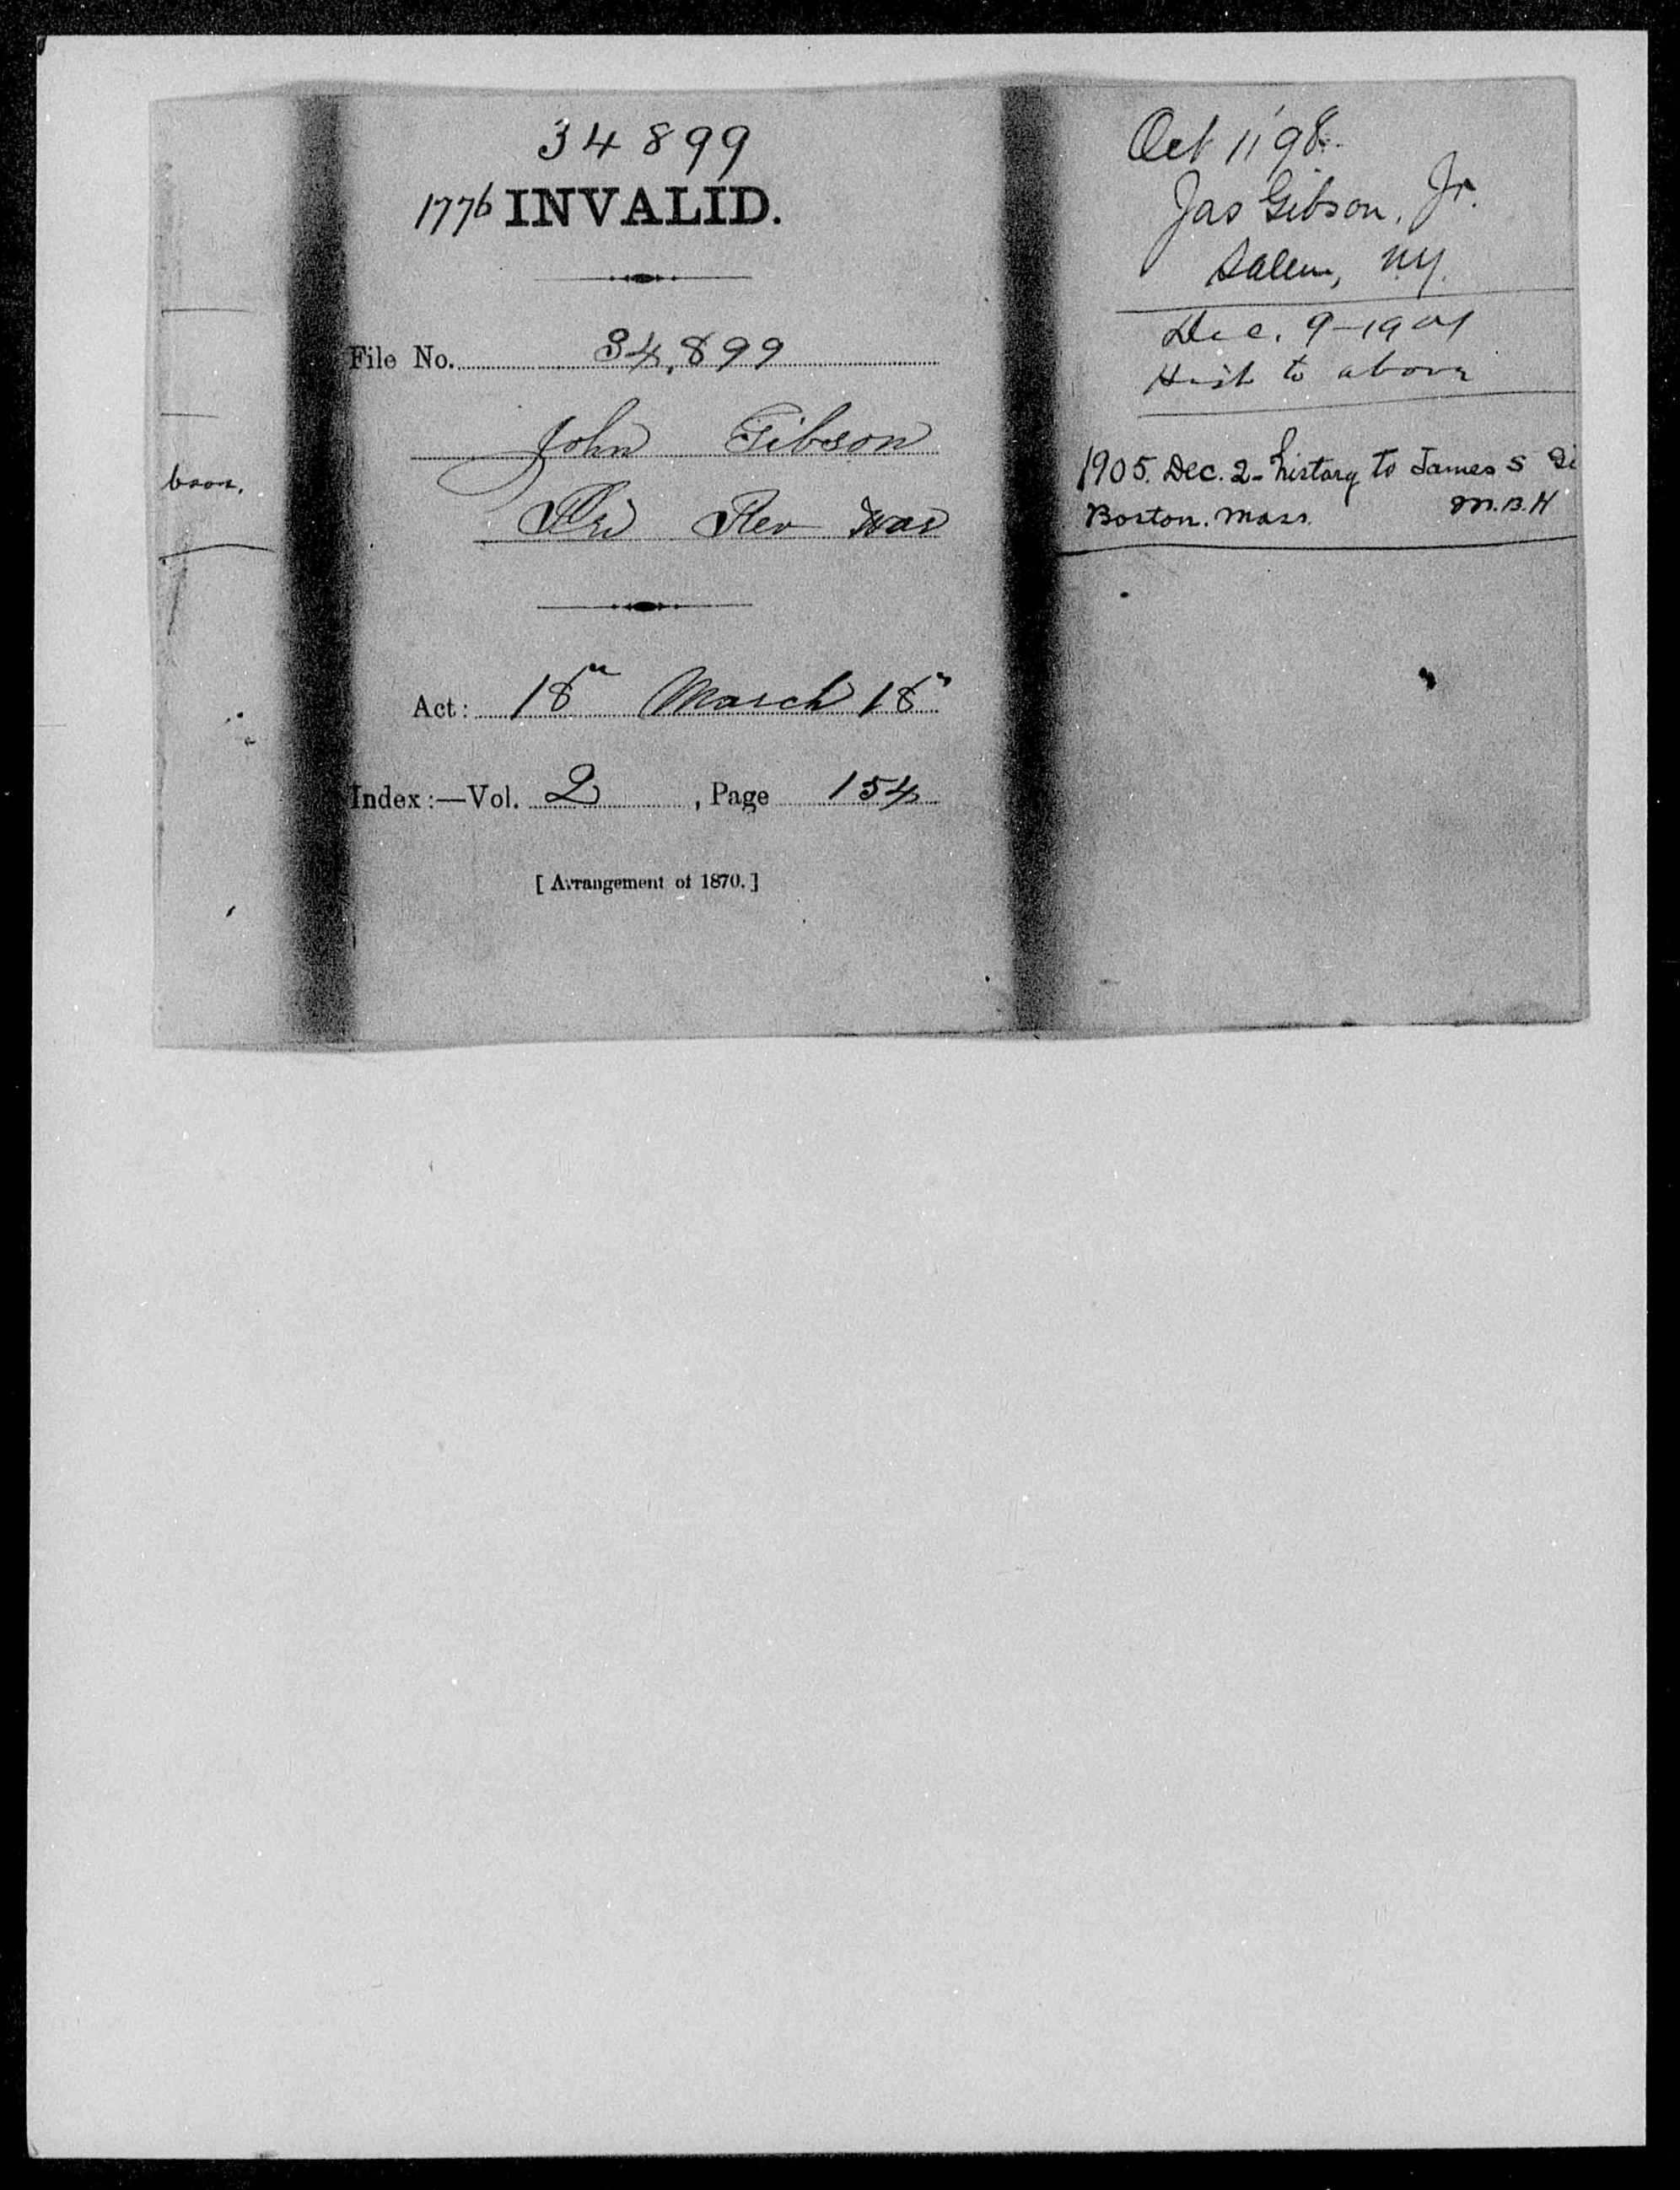34899
1776 INVALID.
File No. 34,899
John Gibson
Pri Rev War
Act: 18th March 18"
Index: Vol. 2, Page 154
[Arrangement of 1870.]
Oct 11 ‘98
Jas Gibson, Jr.
Salem, N. Y.
Dec. 9. 1901
Hist to above
1905. Dec. 2 - History to James S Gi[bson]
Boston, Mass.    M. B. H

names: James S Gibson, Jas Gibson, John Gibson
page: 14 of 32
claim: survivor's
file: S. 34899, John Gibson, R.I.